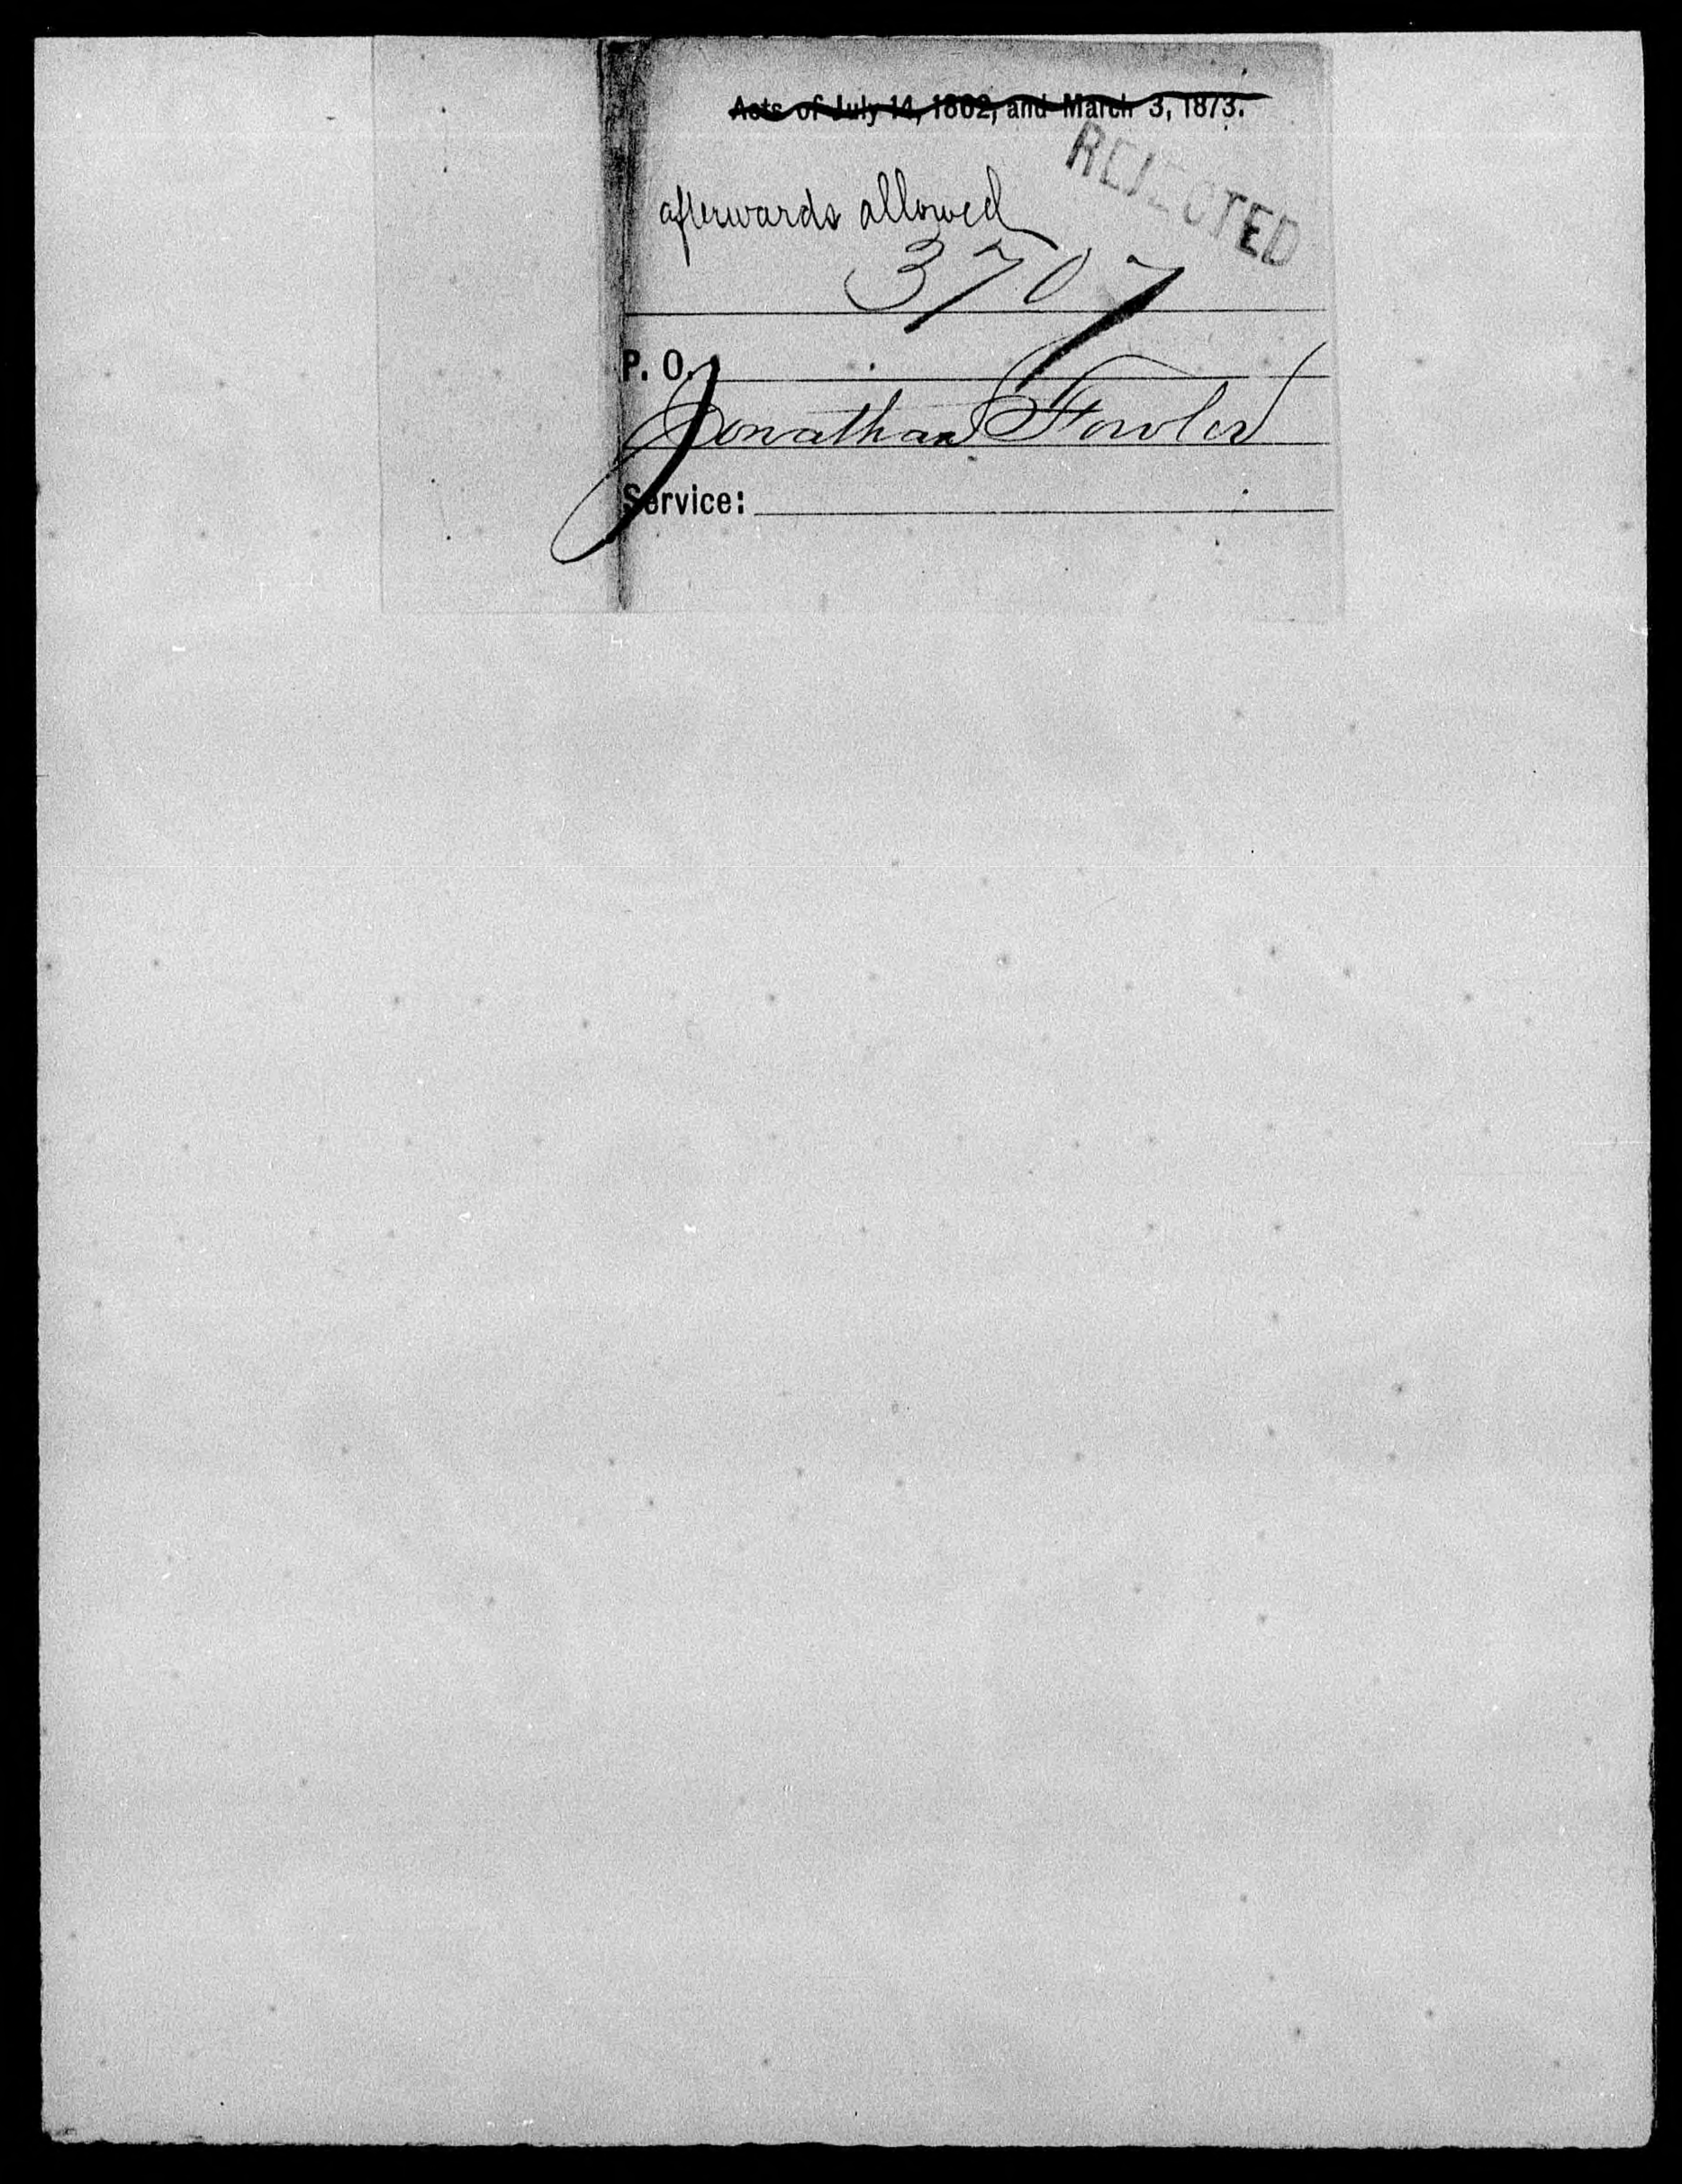Rejected
Afterwards allowed
3707
Jonathan Fowler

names: Jonathan Fowler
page: 18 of 44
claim: survivor's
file: S. 23639, Jonathan Fowler, New York